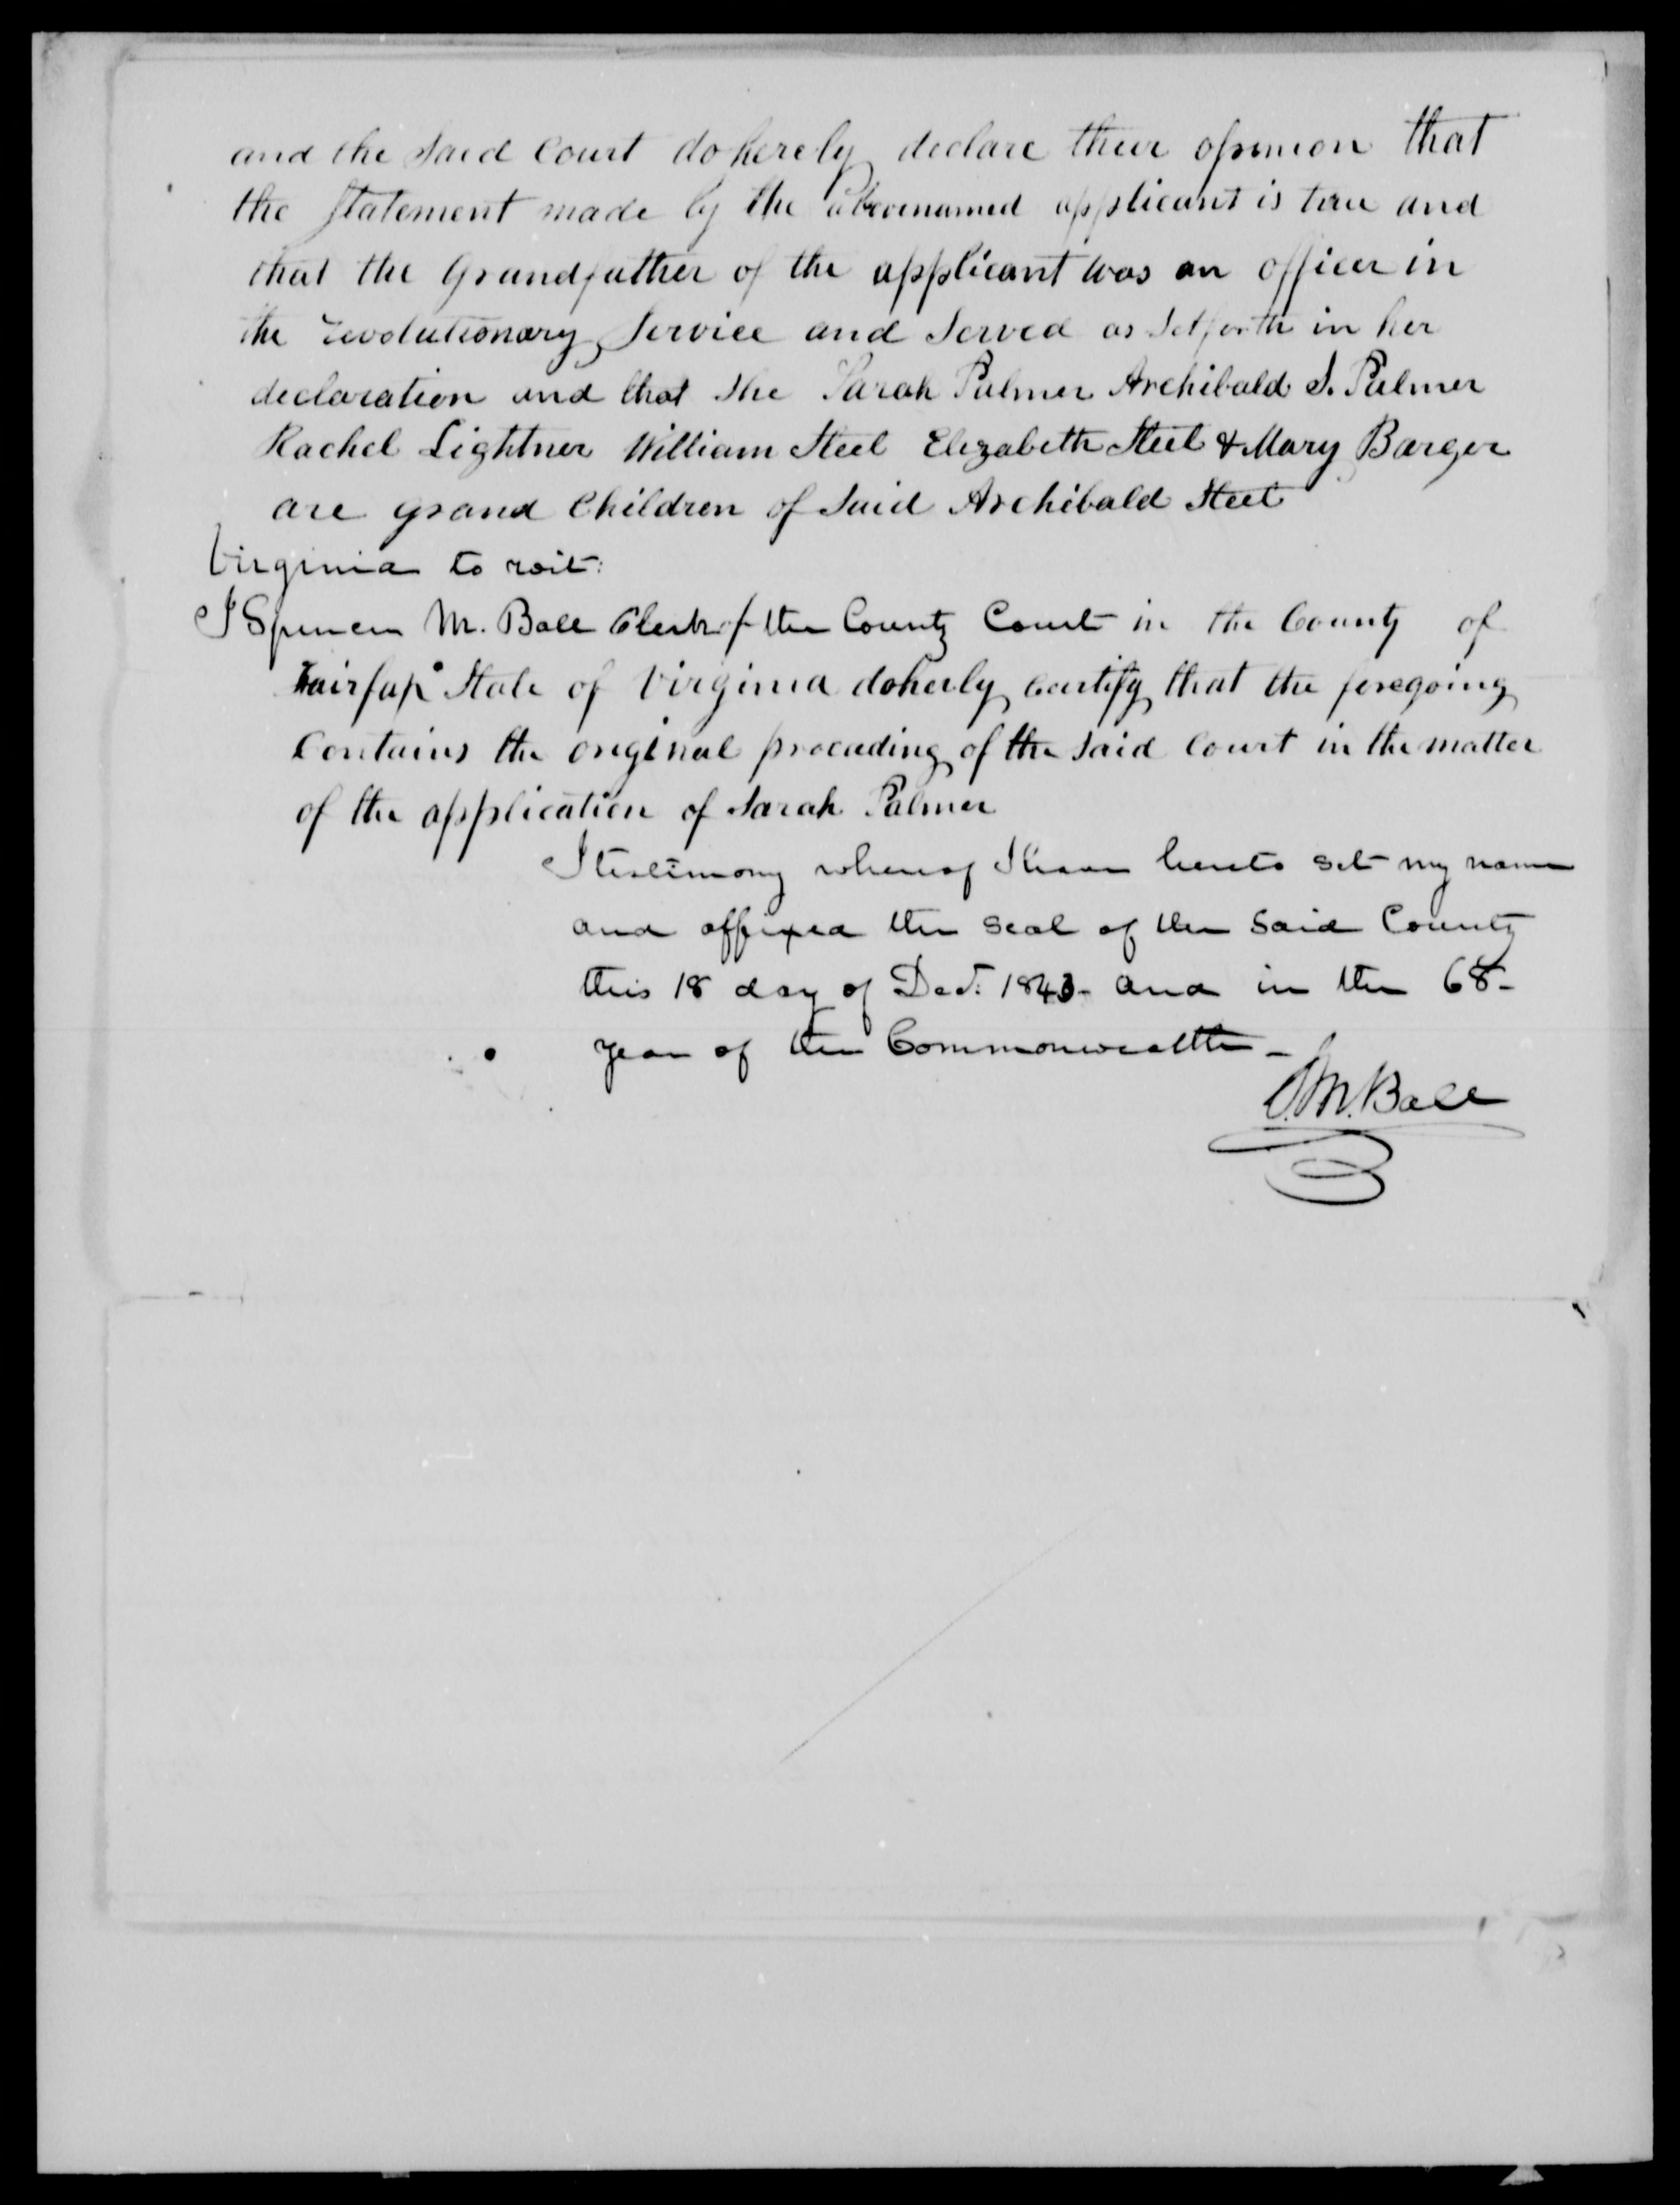and the said Court do hereby declare their opinion that the statement made by the above named applicant is true and that the grandfather of the applicant was an officer in the revolutionary service and served as set forth in her declaration and that she Sarah Palmer, Archibald S. Palmer, Rachel Lightner, William Steel, Elizabeth Steel & Mary Barger are grandchildren of said Archibald Steel

Virginia to wit:

I Spencer M. Ball Clerk of the County Court in the County of Fairfax State of Virginia do herby Certify that the foregoing contains the original proceeding of the said Court in the matter of the application of Sarah Palmer.

In testimony whereof I have hereto set my name and affixed the seal of the said County this 18 day of Dec. 1843 and in this 68th year of the Commonwealth

S M Ball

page: 5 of 28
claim: survivor's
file: S. 7601, for Archibald Steel, Pennsylvania